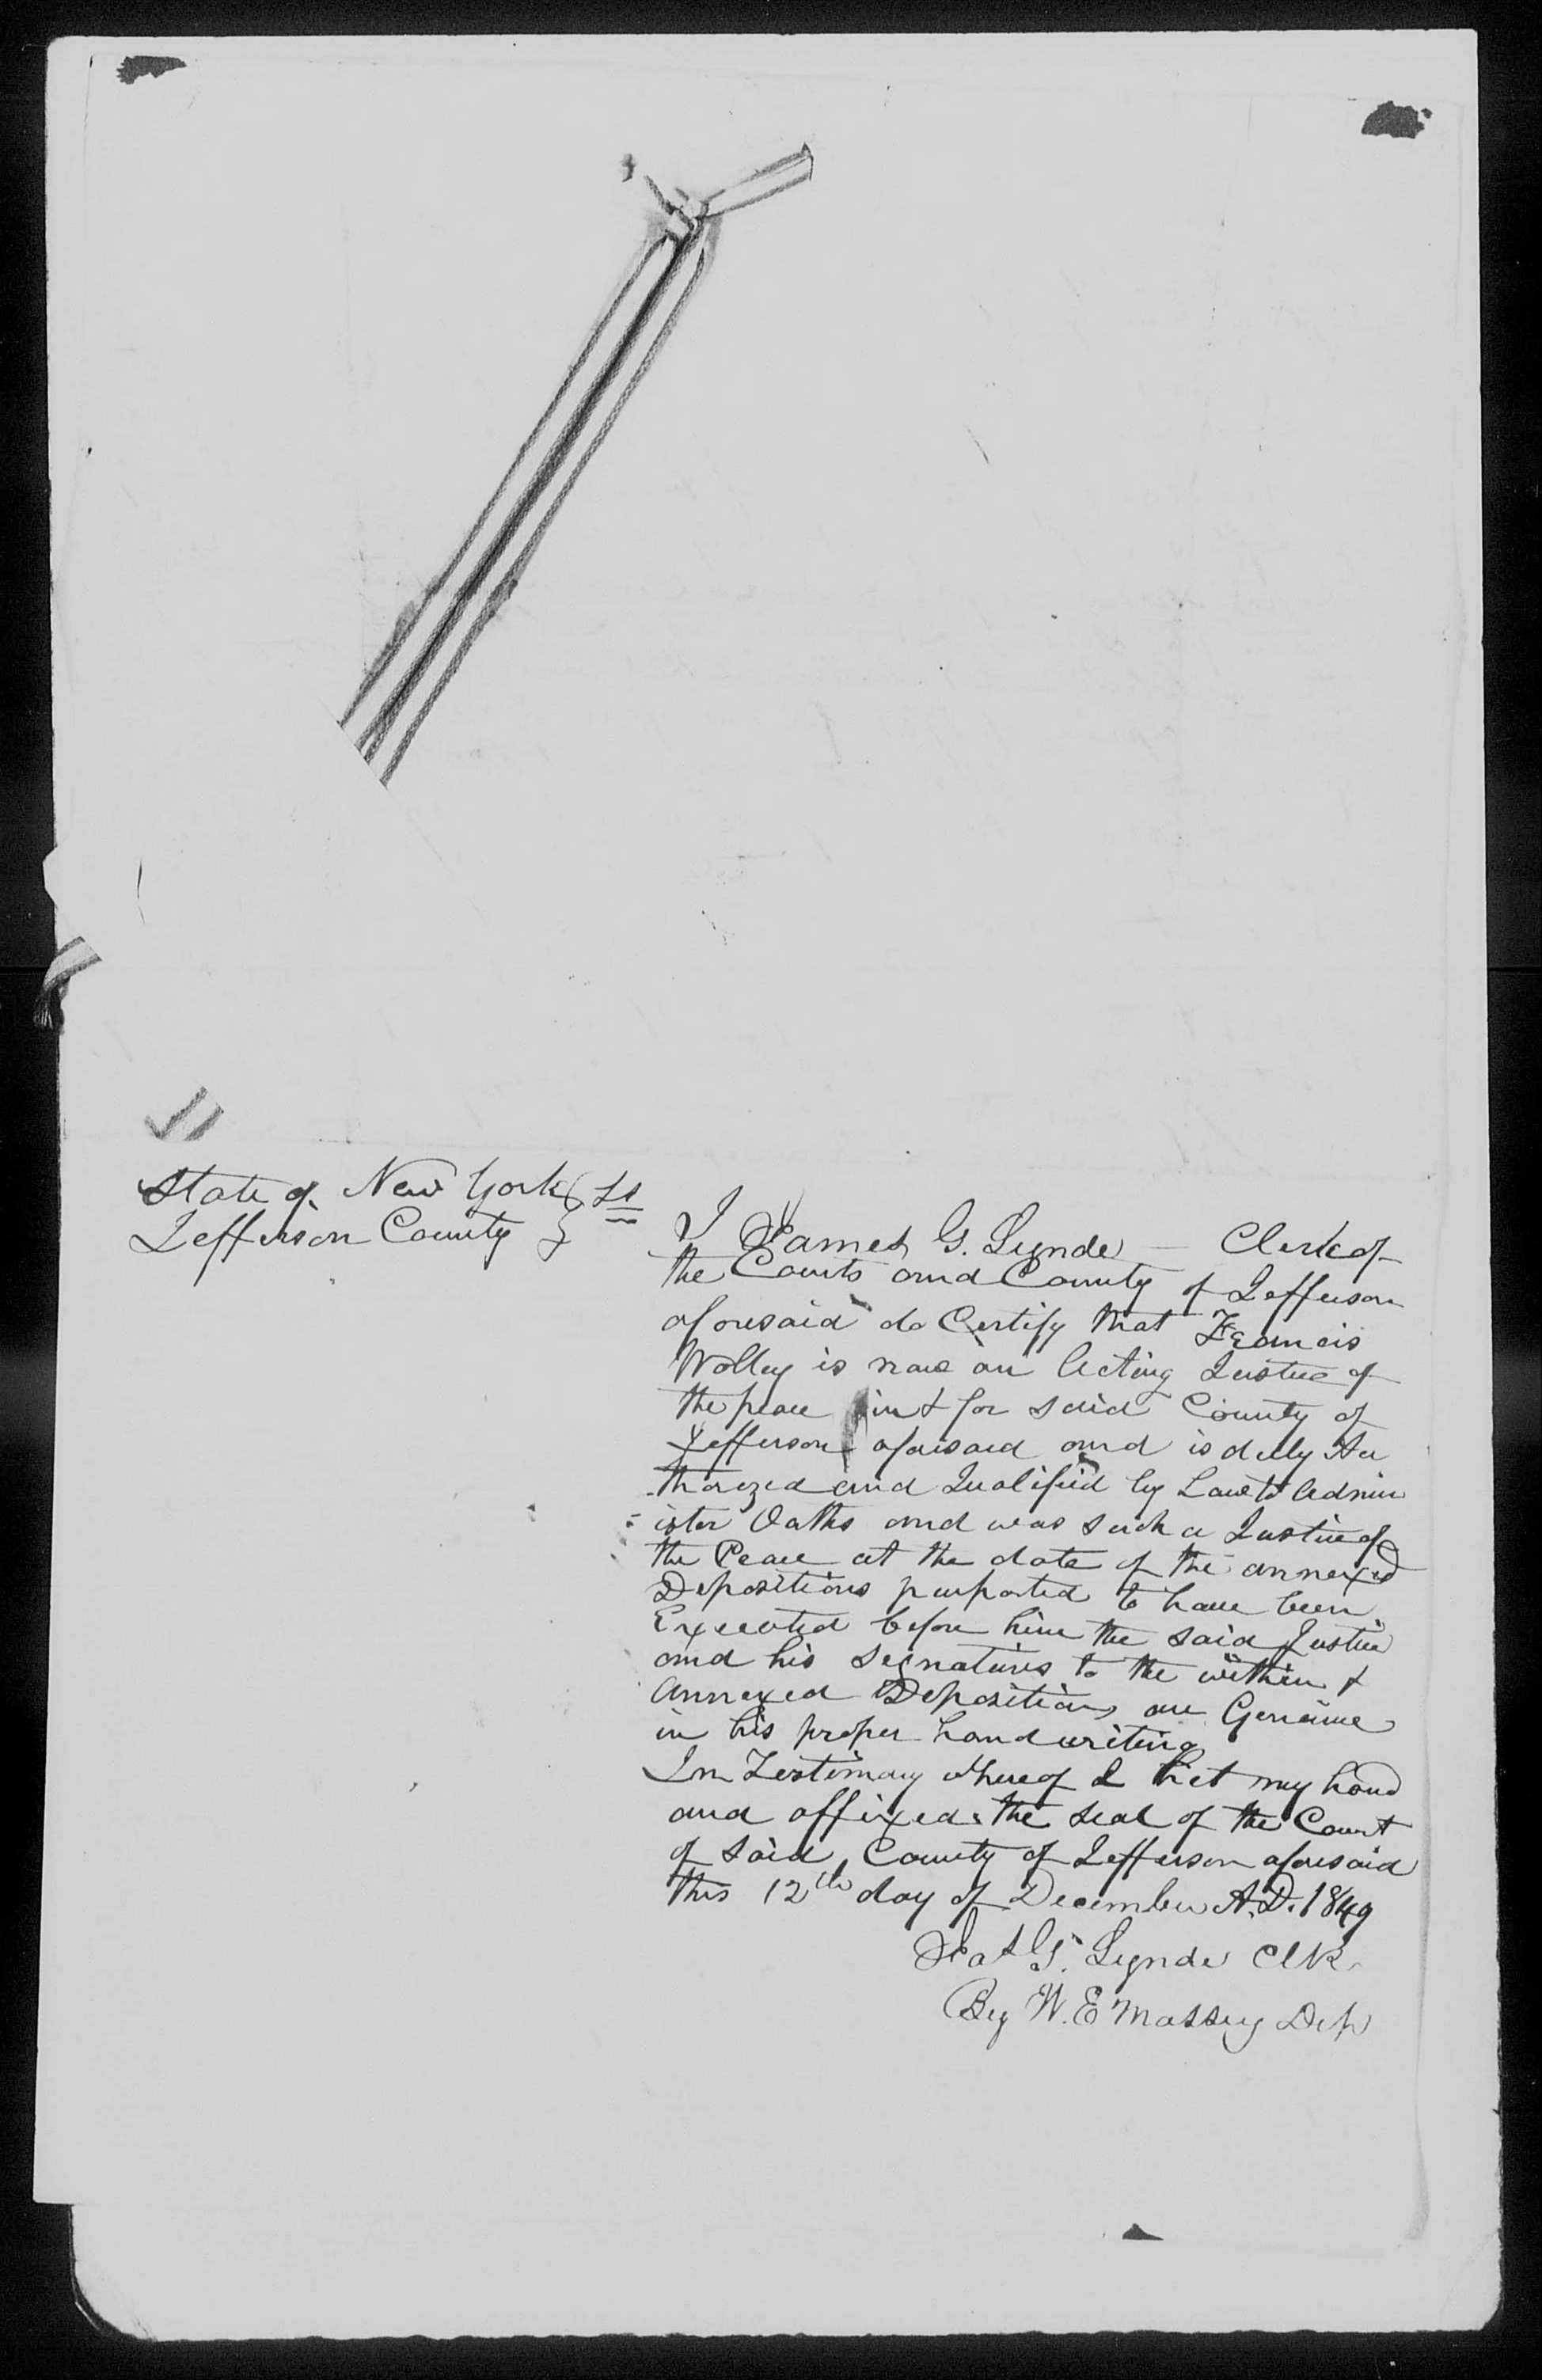State of New York 
Jefferson County } Ss
I James G. Lynde - Clerk of the Courts and County of Jefferson aforesaid do Certify that Francis Wolley is now an Acting Justice of the peace in and for said County of Jefferson aforesaid and is duly Authorized and Qualified by Law to Administer Oaths and was such a Justice of the Peace at the date of the annexed Depositions purported to have been Executed before him the said Justice and his signatures to the within & Annexed Depositions are Genuine in his proper handwriting
In Testimony whereof I set my hand and affixed the seal of the Court of said County of Jefferson aforesaid this 12th day of December A.D. 1849
Jas G. Lynde Clk
By W. E. Massey Dep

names: Francis Wolley, James G Lynde, W E Massey, Jas G Lynde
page: 32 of 106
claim: survivor's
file: S 23,116., Joshua Benedict, Conn.